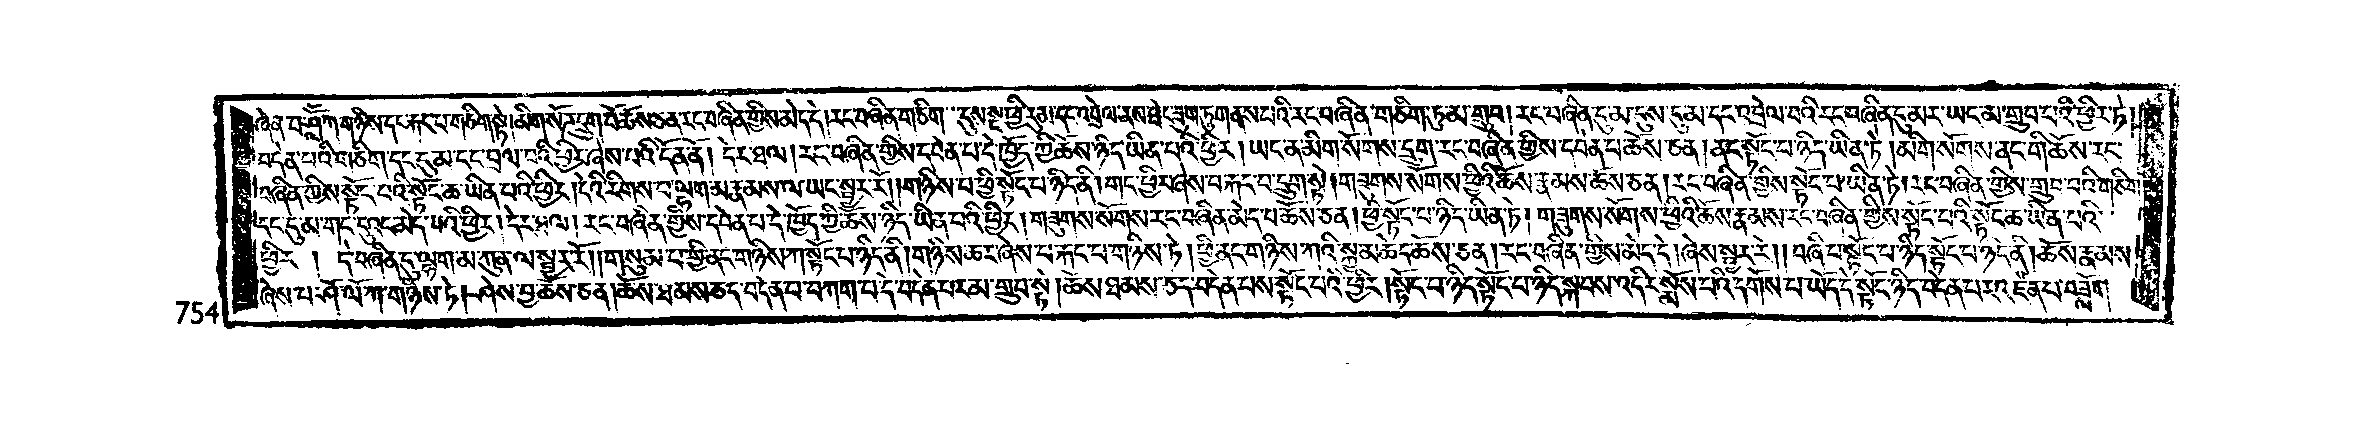ཞེན་བ་ཤླཽ་ཀ་གཉིས་དང་རྐང་པ་གཅིག་སྟེ། མིག་སོགས་དྲུག་པོ་ཆོས་ཅན་རང་བཞིན་གྱིས་མེད་དེ། རང་བཞིན་གཅིག་དུས་སྔ་ཕྱི་རུམ་དང་འབྲེལ་ནས་ཐེང་ཟུག་ཏུ་གནས་པའི་རང་བཞིན་གཅིག་ཏུ་མ་གྲུབ། རང་བཞིན་དུ་མ་དུས་དུ་མ་དང་འབྲེལ་བའི་རང་བཞིན་དུ་མར་ཡང་མ་གྲུབ་པའི་ཕྱིར་ཏེ།
བདེན་པའི་གཅིག་དང་དུ་མ་དང་བྲལ་བའི་ཕྱིར་ཞེས་པའི་དོན་ནོ། དེར་ཐལ། རང་བཞིན་གྱིས་དབེན་པ་དེ་ཁྱོད་ཀྱི་ཆོས་ཉིད་ཡིན་པའི་ཕྱིར། ཡང་ན་མིག་སོགས་དྲུག་རང་བཞིན་གྱིས་དབེན་པ་ཆོས་ཅན། ནང་སྟོང་པ་ཉིད་ཡིན་ཏེ། མིག་སོགས་ནང་གི་ཆོས་རང་
བཞིན་གྱིས་སྟོང་པའི་སྟོང་ཆ་ཡིན་པའི་ཕྱིར། དེའི་རིགས་པ་ལྷག་མ་རྣམས་ལ་ཡང་སྦྱར་རོ། །གཉིས་པ་ཕྱི་སྟོང་པ་ཉིད་ནི། གང་ཕྱིར་ཞེས་པ་རྐང་པ་དྲུག་སྟེ། གཟུགས་སོགས་ཕྱིའི་ཆོས་རྣམས་ཆོས་ཅན། རང་བཞིན་གྱིས་སྟོང་པ་ཡིན་ཏེ། རང་བཞིན་གྱིས་གྲུབ་པའི་གཅིག་
དང་དུ་མ་གང་དུའང་མེད་པའི་ཕྱིར། དེར་ཐལ། རང་བཞིན་གྱིས་དབེན་པ་དེ་ཁྱོད་ཀྱི་ཆོས་ཉིད་ཡིན་པའི་ཕྱིར། གཟུགས་སོགས་རང་བཞིན་མེད་པ་ཆོས་ཅན། ཕྱི་སྟོང་པ་ཉིད་ཡིན་ཏེ། གཟུགས་སོགས་ཕྱིའི་ཆོས་རྣམས་རང་བཞིན་གྱིས་སྟོང་པའི་སྟོང་ཆ་ཡིན་པའི་
ཕྱིར། དེ་བཞིན་དུ་ལྷག་མ་ཀུན་ལ་སྦྱར་རོ། །གསུམ་པ་ཕྱི་ནང་གཉིས་ཀ་སྟོང་པ་ཉིད་ནི། གཉིས་ཆར་ཞེས་པ་རྐང་པ་གཉིས་ཏེ། ཕྱི་ནང་གཉིས་ཀའི་སྐྱ་མཆེད་ཆོས་ཅན། རང་བཞིན་གྱིས་མེད་དེ། ཞེས་སྦྱར་རོ། །བཞི་པ་སྟོང་པ་ཉིད་སྟོང་པ་ཉིད་ནི། ཆོས་རྣམས་
ཞེས་པ་ཤོ་ལོ་ཀ་གཉིས་ཏེ། ཤེས་བྱ་ཆོས་ཅན། ཆོས་ཐམས་ཅད་བདེན་པ་བཀག་པ་དེ་བདེན་པར་མ་གྲུབ་སྟེ། ཆོས་ཐམས་ཅད་བདེན་པས་སྟོང་པའི་ཕྱིར། སྟོང་པ་ཉིད་སྟོང་པ་ཉིད་སྐབས་འདིར་སྨོས་པའི་དགོས་པ་ཡོད་དེ་སྟོང་ཉིད་བདེན་པར་འཛིན་པ་བཟློག་